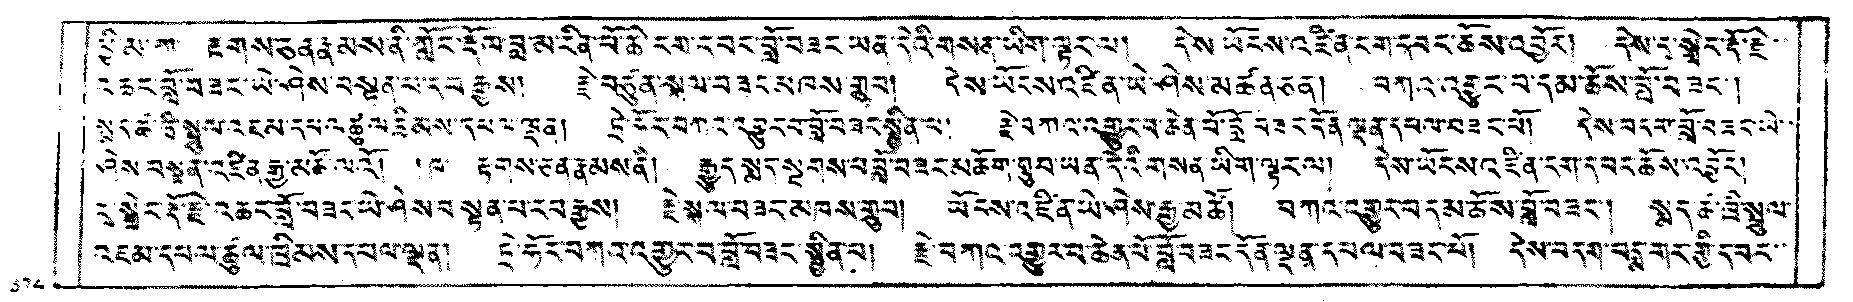ཕྱི་མ་ཀ་རྟགས་ཅན་རྣམས་ནི་ཀློང་རྡོལ་བླ་མ་རིན་པོ་ཆེ་ངག་དབང་བློ་བཟང་ཡན་དེའི་གསན་ཡིག་ལྟར་ལ། དེས་ཡོངས་འཛིན་ངག་དབང་ཆོས་འབྱོར། དེས་རྭ་སྒྲེང་རྡོ་རྗེ་
འཆང་བློ་བཟང་ཡེ་ཤེས་བསྟན་པ་རབ་རྒྱས། རྗེ་བཙུན་སྐལ་བཟང་མཁས་གྲུབ། དེས་ཡོངས་འཛིན་ཡེ་ཤེས་མཚན་ཅན། བཀའ་འགྱུར་བ་དམ་ཆོས་བློ་བཟང་།
སྨད་ཚ་ཁྲི་སྤྲུལ་འཇམ་དཔལ་ཚུལ་ཁྲིམས་དཔལ་ལྡན། ཏྲེ་ཧོར་བཀའ་འགྱུར་བ་བློ་བཟང་སྦྱིན་པ། རྗེ་བཀའ་འགྱུར་བ་ཆེན་པོ་བློ་བཟང་དོན་ལྡན་དཔལ་བཟང་པོ། དེས་བདག་བློ་བཟང་ཡེ་
ཤེས་བསྟན་འཛིན་རྒྱ་མཚོ་ལའོ། །ཁ་རྟགས་ཅན་རྣམས་ནི། རྒྱུད་སྨད་སྔགས་པ་བློ་བཟང་མཆོག་གྲུབ་ཡན་དེའི་གསན་ཡིག་ལྟར་ལ། དེས་ཡོངས་འཛིན་ངག་དབང་ཆོས་འབྱོར།
རྭ་སྒྲེང་རྡོ་རྗེ་འཆང་བློ་བཟང་ཡེ་ཤེས་བསྟན་པ་རབ་རྒྱས། རྗེ་སྐལ་བཟང་མཁས་གྲུབ། ཡོངས་འཛིན་ཡེ་ཤེས་རྒྱ་མཚོ། བཀའ་འགྱུར་བ་དམ་ཆོས་བློ་བཟང་། སྨད་ཚ་ཁྲི་སྤྲུལ་
འཇམ་དཔལ་ཚུལ་ཁྲིམས་དཔལ་ལྡན། ཏྲེ་ཧོར་བཀའ་འགྱུར་བ་བློ་བཟང་སྦྱིན་པ། རྗེ་བཀའ་འགྱུར་བ་ཆེན་པོ་བློ་བཟང་དོན་ལྡན་དཔལ་བཟང་པོ། དེས་བདག་པདམ་གར་གྱི་དབང་